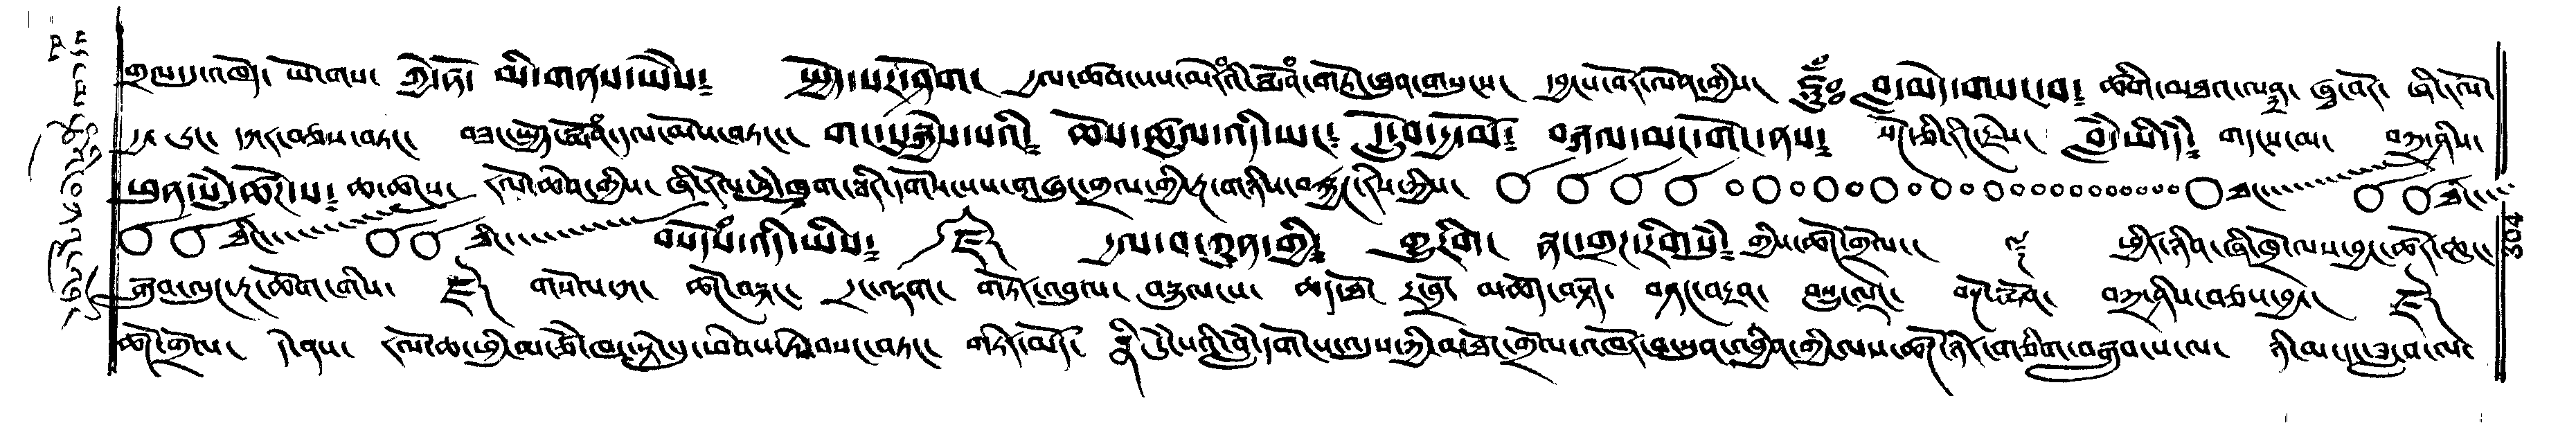གྲལ་དུ་འཁོད། ཡོ་གས། ཀྱེ་ཧོ། མི་གནས་ཡེ་ཤེས༴ སྤྱོད་པར་ཤོག རྒྱལ་ཚབ་པས་མར་མེ་སྨོན་ལམ་གཏོང་ཐུན་གསུང་། དབྱངས་བོར་ལེན་གྱིས། ཧཱུྃ། བླ་མེད་གསང་བ༴ ཚིག་མཐའ་ལན་གསུམ། ཞྭ་བོར། ཞི་རོལ། 
རྒྱ། དུང་། དཀར། བཅས་བཏང་། བཟང་སྤྱོད་སྨོན་ལམ་དལ་མོས་གཏང་། གང་དུ་སྐྱེས་པའི༴ དངོས་གྲུབ་རྒྱ་མཚོ༴ བསྐལ་མང་གོང་ནས༴ སོགས་ཅི་རིགས་རྗེས། བླ་མ་ཡི་དམ༴ གདངས་མ། བཀྲ་ཤིས། 
ཕུན་སུམ་ཚོགས་པ༴ ཆ་ཚང་། རོལ་ཆེན་གྱིས། ཞི་རོལ་བུམ་སུག་སྦིར་དགོས་པས་གཞུང་གྲལ་གྱི་རྔ་གཉིས་བརྐྱགས་རེས་ཀྱིས་ ཐིང་། ཐིང་། ཐིང་། ཐིང་། 
བསོད་ནམས་འདི་ཡིས༴ རྒྱལ་བ་ཀུན་གྱི༴ གྱུར་ཅིག སྣང་གྲགས་རིག་གསུམ༴ གྱིས་ཚོགས་གྲོལ། ༈ ཕྱིར་ཉིན་ཞི་ཁྲོ་ལས་བྱང་ཚོར་ཆུང་
སྒྲུབ་ལུགས་རྔ་ཆོག་གིས། གསོལ་ཀ ཚོགས་སྐོང་། དྲང་ལྷག གཏོར་འབུལ། བསྐུལ་པ། ཆད་ཐོ། རྟ་བྲོ། མཆོད་བསྟོད། བཤགས་བརྟན། བསྡུ་ལྡང་། བསྔོ་སྨོན། བཀྲ་ཤིས་བཅས་བྱ། 
ཚོགས་གྲོལ། དེ་ནས་རོལ་ཆ་ཕྱི་མ་ཙམ་ཁང་སྟེང་དུ་ཕེབས་ཏེ་བསང་གཏང་། གཏེར་མཛོད་ནང་གྀ་བླ་མ་དགོངས་འདུས་ཀྱི་མཐོང་གྲོལ་འཁོར་བ་སུན་འབྱིན་གྱི་ལས་ཚོགས་ཉེར་གཅིག་སྒྲུབ་པ་ལ། ཉི་མ་དང་ཟླ་བ་ལ་